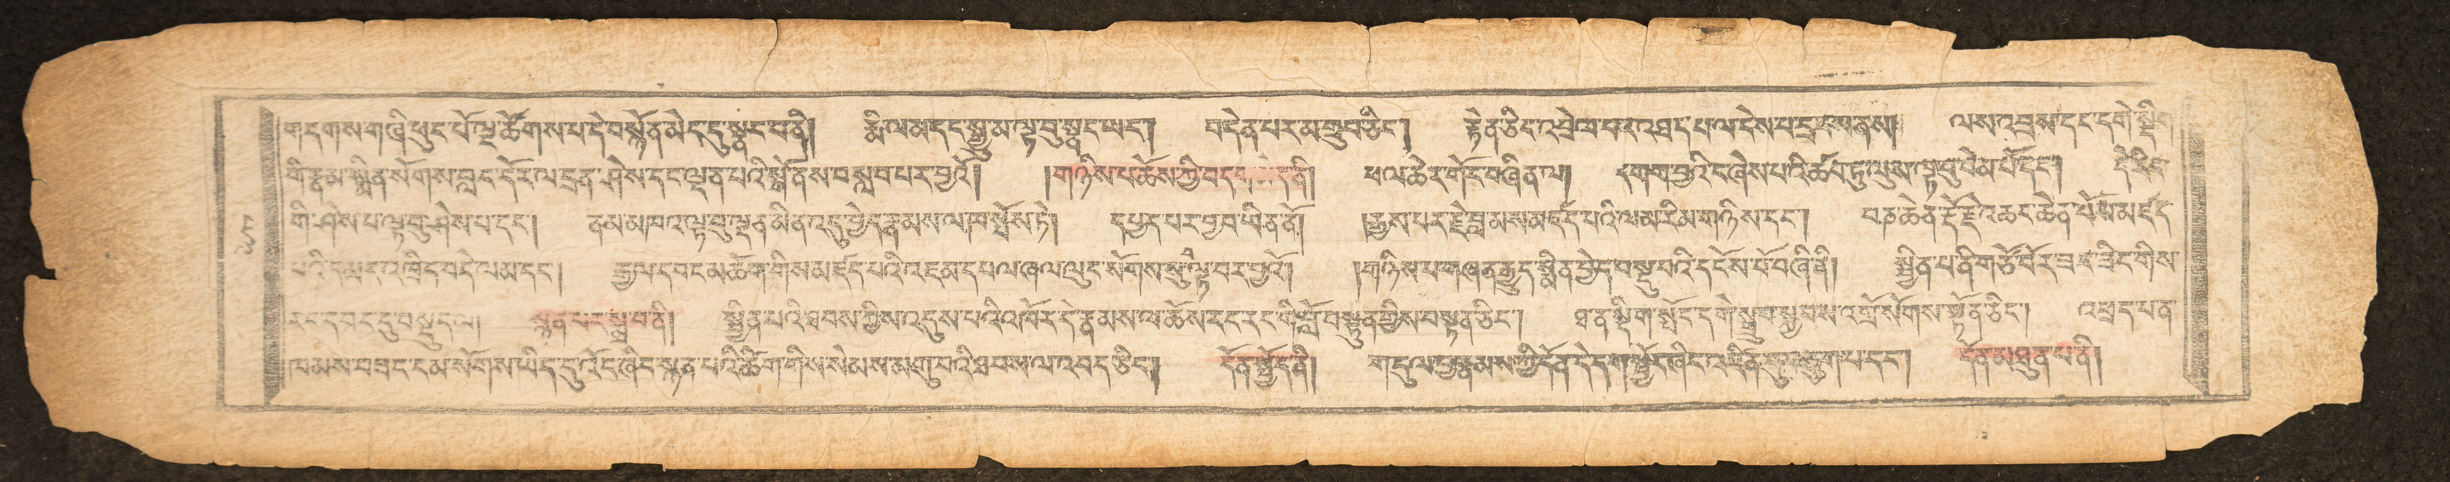གདགས་ས་གཞི་ཕུར་པོ་ལྔ་ཚོགས་པ་དེ་བསྙོན་མེད་དུ་སྣང་བ་ནི། རྨི་ལམ་དང་སྒྱུ་མ་ལྟ་བུ་སྣང་ཡང་། བདེན་པར་མ་གྲུབ་ཅིང་། རྟེན་ཅིང་འབྲེལ་བར་འཐད་པ་ལ་དེས་བ་དྲངས་ནས། ལས་འབྲས་དང་དགེ་སྡིག་
གི་རྣམ་སྨིན་སོགས་བླང་དོར་ལ་དྲན་ཤེས་དང་ལྡན་པའི་སྒོ་ནས་བསླབ་པར་བྱའོ། །གཉིས་པ་ཆོས་ཀྱི་བདག་མེད་ནི། ཕལ་ཆེར་གོང་བཞིན་ལ། དགག་བྱའི་བཞེས་པའི་ཚབ་ཏུ་ལུས་ལྟ་བུ་བེམ་པོ་དང་། དེ་རིང་
གི་ཤེས་པ་ལྟ་བུ་ཤེས་པ་དང་། ནམ་མཁའ་ལྟ་བུ་ལྡན་མིན་འདུ་བྱེད་རྣམས་ལ་ཁ་སྤོས་ཏེ། དཔྱད་པར་བྱ་བ་ཡིན་ནོ། །རྒྱས་པར་རྗེ་བླ་མས་མཛད་པའི་ལམ་རིམ་གཉིས་དང་། པཎ་ཆེན་རྡོ་རྗེ་འཆང་ཆེན་པོས་མཛད་
པའི་དམར་འཁྲིད་བདེ་ལམ་དང་། རྒྱལ་དབང་མཆོག་གིས་མཛད་པའི་འཇམ་དཔལ་ཞལ་ལུང་སོགས་སུ་བལྟ་བར་བྱའོ། །གཉིས་པ་གཞན་རྒྱུད་སྨིན་བྱེད་བསྡུ་བའི་དངོས་པོ་བཞི་ནི། སྦྱིན་པ་ནི་གཙོ་བོར་ཟང་ཟིང་གིས་
རང་དབང་དུ་བསྡུད་ལ། སྙན་པར་སྨྲ་བ་ནི། སྦྱིན་པའི་ཐབས་ཀྱིས་འདུས་པའི་འཁོར་དེ་རྣམས་ལ་ཆོས་རང་རང་གི་བློ་བསྟུན་གྱིས་བསྟན་ཅིང་། ཐ་ན་སྡིག་སྤོང་དགེ་སྒྲུབ་སྐྱབས་འགྲོ་སོགས་སྟོན་ཅིང་། འཕྲད་པན་
ཁམས་བཟང་ངམ་སོགས་ཡིད་དུ་འོང་ཞིང་སྙན་པའི་ཚིག་གིས་སེམས་མགུ་པའི་ཐབས་ལ་འབད་ཅིང་། དོན་སྤྱོད་ནི། གདུལ་བྱ་རྣམས་ཀྱི་དོན་དེ་དག་སྦྱོར་ཞིང་འཛིན་དུ་བཅུག་པ་དང་། དོན་མཐུན་པ་ནི།